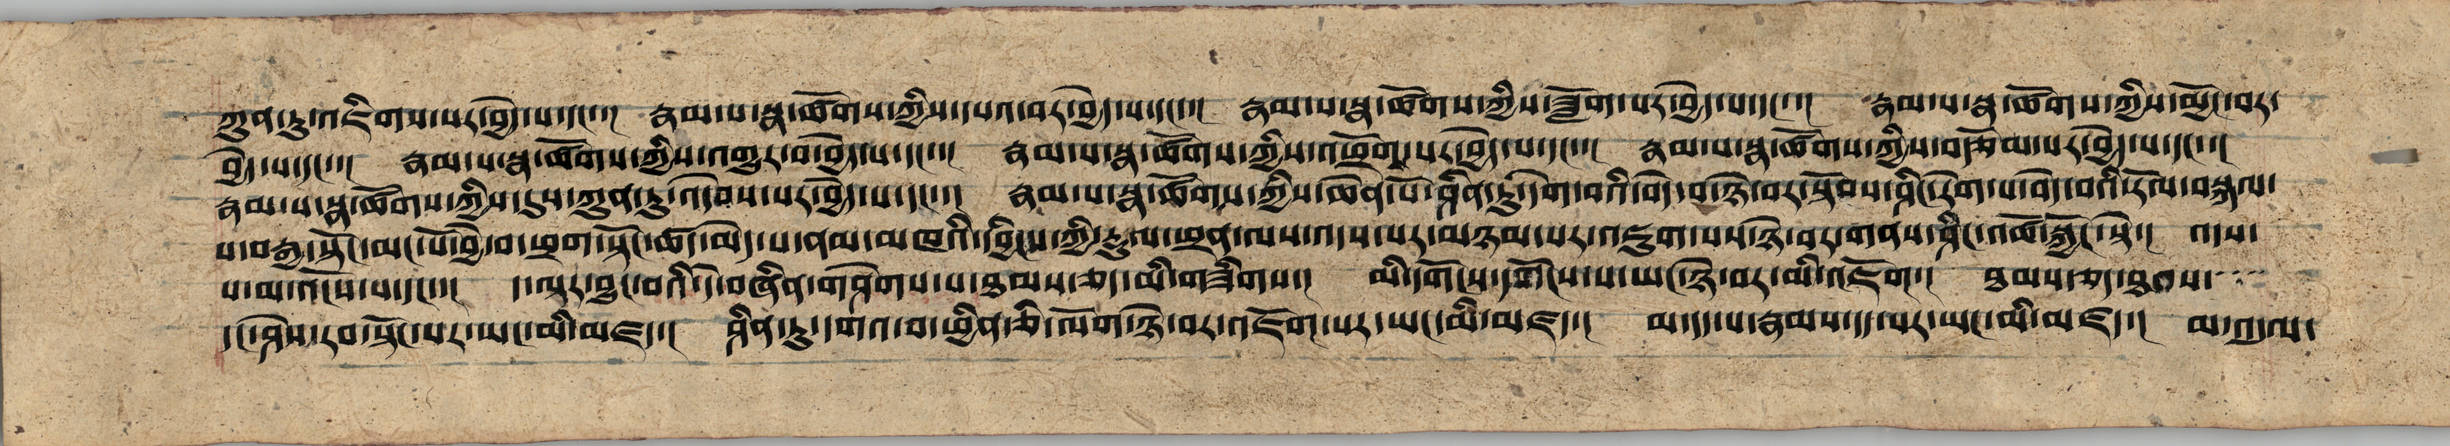ཀུན་ཏུ་འཇིགས་པར་བྱེད་པ་དང་་། རྣམ་པ་སྣ་ཚོགས་ཀྱིས་དཔའ་བར་བྱེད་པ་དང་་། རྣམ་པ་སྣ་ཚོགས་ཀྱིས་ཟློག་པར་བྱེད་པ་དང་་། རྣམ་པ་སྣ་ཚོགས་ཀྱིས་མྱོང་བར་
བྱཻད་པ་དང་་། རྣམ་པ་སྣ་ཚོགས་ཀྱིས་འགྱུར་བ་བྱེད་པ་དང་་། རྣམ་པ་སྣ་ཚོགས་ཀྱིས་འཕྲོག་པར་བྱེད་པ་དང་་། རྣམ་པ་སྣ་ཚོགས་ཀྱིས་བརྩོམ་པར་བྱེད་པ་དང་་།
རྣམ་པ་སྣ་ཚོགས་ཀྱིས་དུས་ཀུན་ཏུ་འདེབས་པར་བྱེད་པ་དང་་། རྣམ་པ་སྣ་ཚོགས་ཀྱིས་ཆེན་པོ་ཤིན་ཏུ་དགེ་བའི་བདེ་བ་ཉེ་བར་སྟོབས་ཤིང་རེག་པ་བདེ་བའི་རོལ་བསྐལ་
པ་བརྒྱ་སྟོང་མང་པོ་བྱེ་བ་ཕྲག་སྟོང་ཚད་མེད་པ་ནམ་མཁའི་དབྱིངས་ཀྱི་རྡུལ་ཕྲན་ལས་འདས་པར་མཉམ་པར་འཇུག་པས་ཉེ་བར་གནས་ཤིང་འཚོ་སྐྱོང་སྟེ་། འདས་
པ་མ་འོངས་པ་དང་་། ད་ལྟར་བྱུང་བའི་དེ་བཞིན་གཤེགས་པ་ཐམས་ཅད་མི་གཟིགས་། མི་དགོངས་དགོངས་པ་ཡང་ཉེ་བར་མི་འཇོག་། ཐམས་ཅད་ཐབས་
དང་ཤེས་རབ་སྟོང་པར་ཡང་མི་མཛད་། ཤིན་ཏུ་དགའ་བ་ཕྱིན་ཅི་ལོག་ཉེ་བར་འཇོག་པར་ཡང་མི་མཛད་། མ་དད་པ་རྣམས་དད་པར་ཡང་མི་མཛད་། མ་འདུལ